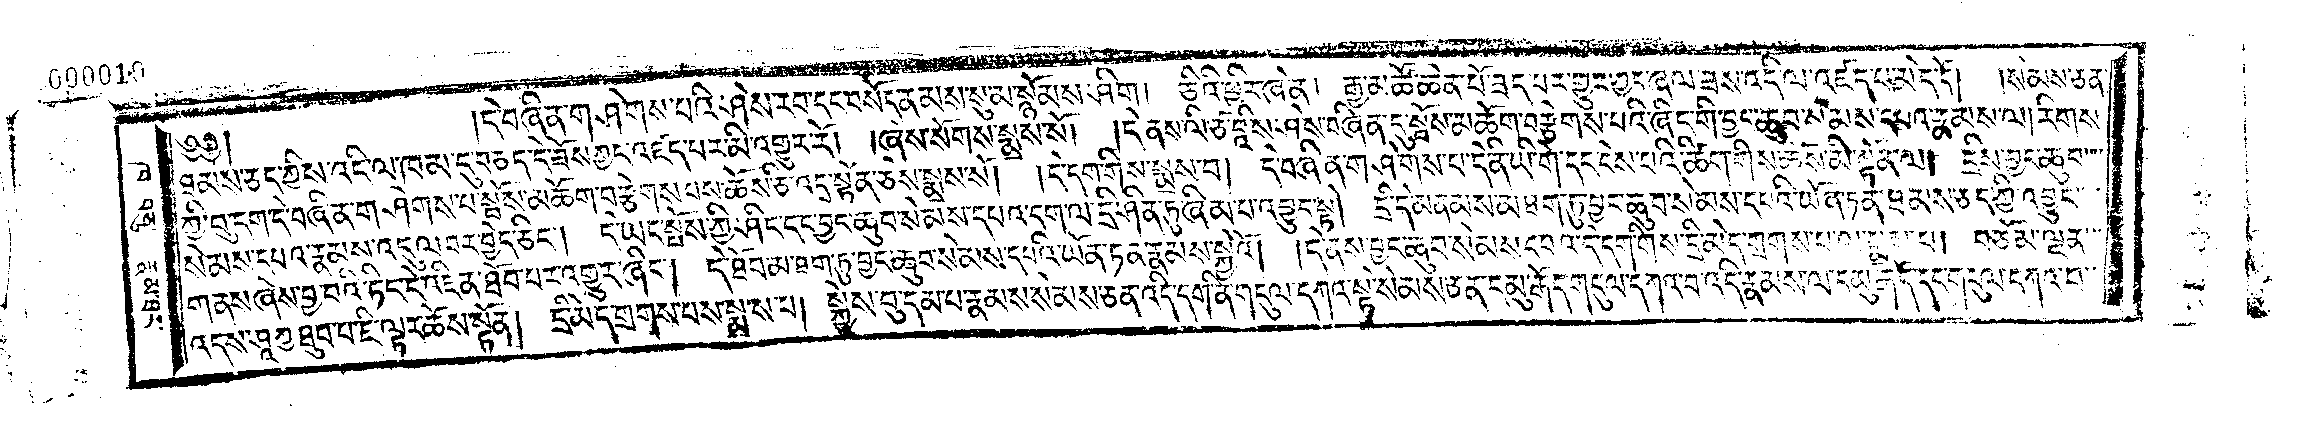༄༅། །དེ་བཞིན་གཤེགས་པའི་ཤེས་རབ་དང་བསོད་ནམས་སུ་མ་སྙོམས་ཤིག། ཅིའི་ཕྱིར་ཞེ་ན། རྒྱ་མཚོ་ཆེན་པོ་ཟད་པར་གྱུར་ཀྱང་ཞལ་ཟས་འདི་ལ་འཛད་པ་མེད་དོ། །སེམས་ཅན་
ཐམས་ཅད་ཀྱིས་འདི་ལ་ཁམ་དུ་བཅད་དེ་ཟོས་ཀྱང་འཛད་པར་མི་འགྱུར་རོ། །ཞེས་སོགས་སྨྲས་སོ། །དེ་ནས་ལི་ཙ་བཱིས་ཤིས་བཞིན་དུ་སྤོས་མཆོག་བརྩེགས་པའི་ཞིང་གི་བྱང་ཆུབ་སེམས་དཔའ་རྣམས་ལ། རིགས་
ཀྱི་བུ་དག་དེ་བཞིན་གཤེགས་པ་སྤོས་མཆོག་བརྩེགས་པས་ཆོས་ཅི་འདྲ་སྟོན་ཅེས་སྨྲས་སོ། །དེ་དག་གིས་སྨྲས་པ། དེ་བཞིན་གཤེགས་པ་དེ་ནི་ཡི་གེ་དང་ངེས་པའི་ཚིག་གིས་ཆོས་མི་སྟོན་ལ། དྲིས་བྱང་ཆུབ་
སེམས་དཔའ་རྣམས་འདུལ་བར་བྱེད་ཅིང་། དེ་ཡང་སྤོས་ཀྱི་ཤིང་དང་བྱང་ཆུབ་སེམས་དཔའ་དག་ལ་དྲི་ཤིན་ཏུ་ཞིམ་པ་འབྱུང་སྟེ། དྲི་དེ་མ་ནམས་མ་ཐག་ཏུ་བྱང་ཆུབ་སེམས་དཔའི་ཡོན་ཏན་ཐམས་ཅད་ཀྱི་འབྱུང་
གནས་ཞེས་བྱ་བའི་ཏིང་ངེ་འཛིན་ཐོབ་པར་འགྱུར་ཞིང་། དེ་ཐོབ་མ་ཐག་ཏུ་བྱང་ཆུབ་སེམས་དཔའི་ཡོན་ཏན་རྣམས་སྐྱེའོ། །དེ་ནས་བྱང་ཆུབ་སེམས་དཔའ་དེ་དག་གིས་དྲི་མེད་གྲགས་པ་ལ་སྨྲས་པ། བཅོམ་ལྡན་
འདས་ཤཱཀྱ་ཐུབ་པ་ཇི་ལྟར་ཆོས་སྟོན། དྲི་མེད་གྲགས་པས་སྨྲས་པ། སྐྱེས་བུ་དམ་པ་རྣམས་སེམས་ཅན་འདི་དག་ནི་གདུལ་དཀའ་སྟེ་སེམས་ཅན་དམུ་རྒོད་གདུལ་དཀའ་བ་འདི་རྣམས་ལ་དམུ་རྒོད་དང་གདུལ་དཀའ་བ་